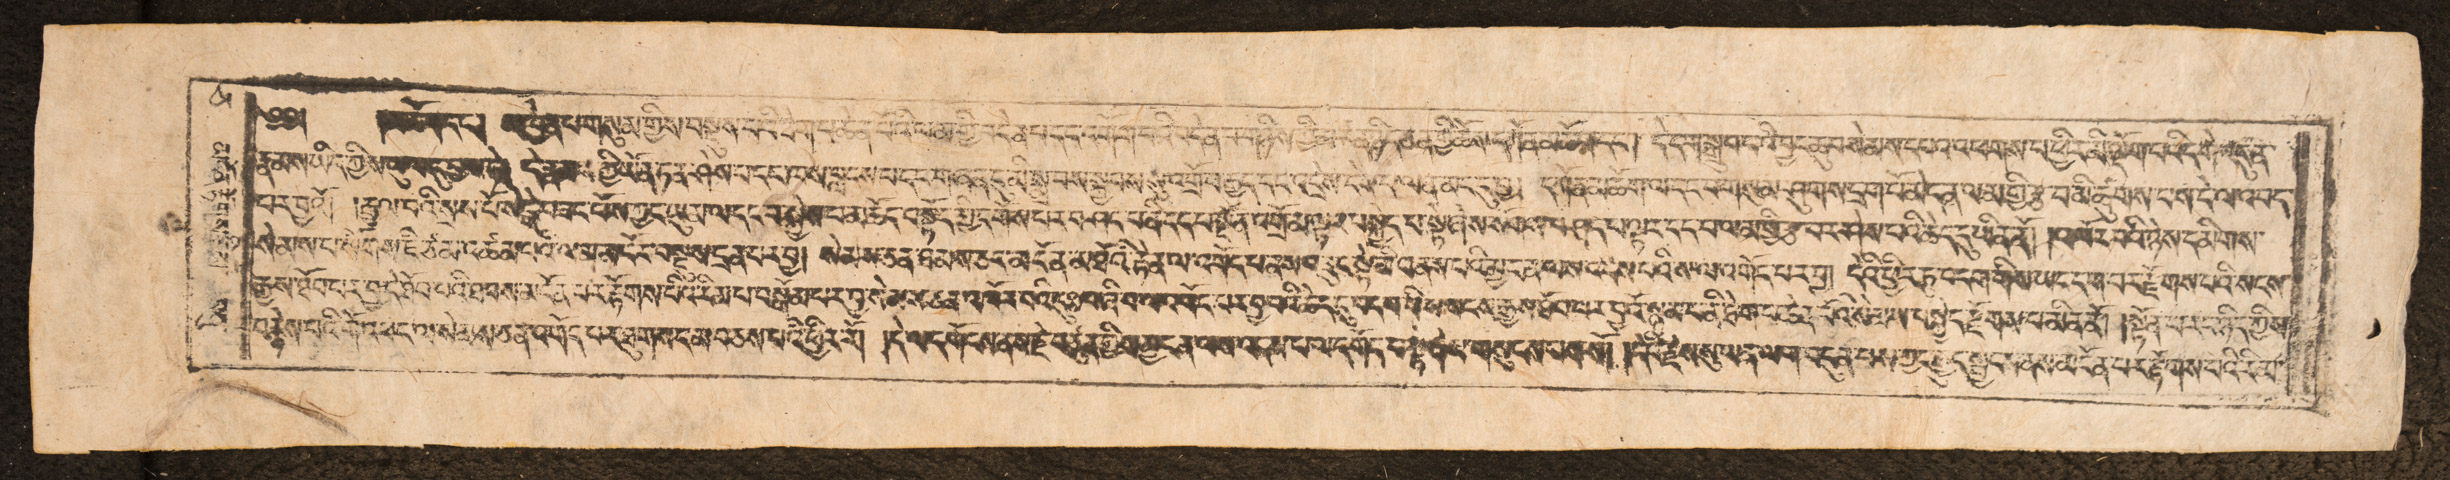༄༅། །མཆོག་དང་། མཁྱེན་པ་གསུམ་གྱིས་བསྡུས་པའི་ཐེག་པ་ཆེན་པོའི་ལམ་གྱི་བདེན་པ་དང་འགོག་པའི་བདེན་པ་གཉིས་ཀྱི་མཚན་ཉིད་ཅན་གྱི་ཆོས་དཀོན་མཆོག་དང་། དེ་དག་སྒྲུབ་པའི་བྱང་ཆུབ་སེམས་དཔའ་འཕགས་པའི་ཕྱིར་མི་ལྡོག་པའི་དགེ་འདུན་
རྣམས་ཡིད་ཀྱིས་ཡུལ་དུ་བྱས་ཏེ། དེ་རྣམས་ཀྱི་ཡོན་ཏན་ཤེས་པ་དང་ཁས་བླངས་པ་དང་གཞན་དུ་མི་སྨྲ་བས་སྐྱབས་སུ་འགྲོ་བ་རྒྱུད་དང་འདྲེས་ངེས་པ་ལན་མང་དུ་བྱ། དཀོན་མཆོག་ལ་དང་བ་གསུམ་ཤུགས་དྲག་པོ་མེད་ན་ལམ་གྱི་རྩ་བ་མི་ཚུགས་པས་དེ་ལ་འབད་
པར་བྱའོ། །རྒྱལ་བའི་སྲས་པོ་སེངྒེ་བཟང་པོས་ཀྱང་ཡུམ་ལ་དང་བ་སྐྱེས་པ་མཆོད་བསྟོད་ཀྱི་དགོས་པར་བཤད་པ་ནི་དད་པ་སྔོན་འགྲོ་མ་ལྟར་བསྐྱེད་པ་སྟེ་ཞེས་སོགས་བཤད་པ་ལྟར་དད་པ་ལམ་གྱི་རྩ་བར་ཤེས་པའི་ཆེད་དུ་ཡིན་ནོ། །འཁོར་བའི་ཉེས་དམིགས་
སེམས་པ་སོགས་ཇི་ཙམ་འཚམ་པའི་ལམ་མདོར་བསྡུས་དྲན་པར་བྱ། སེམས་ཅན་ཐམས་ཅད་མངོན་མཐོའི་རྟེན་ལ་འགོད་པ་ནས་བཟུང་སྟེ་མི་གནས་པའི་མྱ་ངན་ལས་འདས་པའི་ས་ལ་འགོད་པར་བྱ། དེའི་ཕྱིར་ཏུ་བདག་གིས་ཡང་དག་པར་རྫོགས་པའི་སངས་
རྒྱས་ཐོབ་པར་བྱ་དེ་ཐོབ་པའི་ཐབས་མངོན་པར་རྟོགས་པའི་རིམ་པ་བསྒོམ་པར་བྱ་སེམས་ཅན་འཁོར་བའི་དུཿ ཁ་ཞི་བ་ལ་འགོད་པར་བྱ་བའི་ཆེད་དུ་བདག་གིས་སངས་རྒྱས་ཐོབ་པར་བྱའོ་སྙམ་པ་ནི་ཐེག་པ་ཆེན་པོའི་སེམས་བསྐྱད་རྫོགས་པ་མིན་ནོ། །སྟོན་པ་རང་ཉིད་ཀྱིས་
བརྙེས་པའི་གོ་འཕང་ལ་སེམས་ཅན་འགོད་པར་ཐུགས་དམ་བཅས་པའི་ཕྱིར་རོ། །དེ་ལ་དགོངས་ནས་རྗེ་བཙུན་གྱིས་མྱ་ངན་ལས་འདས་པ་ལ་དགོད་པ་སྟེ་ཞེས་གསུངས་པས་སོ། །དེའི་རྗེས་སུ་ཡན་ལག་བདུན་པས་ཀྱང་རྒྱུད་སྦྱངས་ནས་མངོན་པར་རྟོགས་པའི་རིམ་